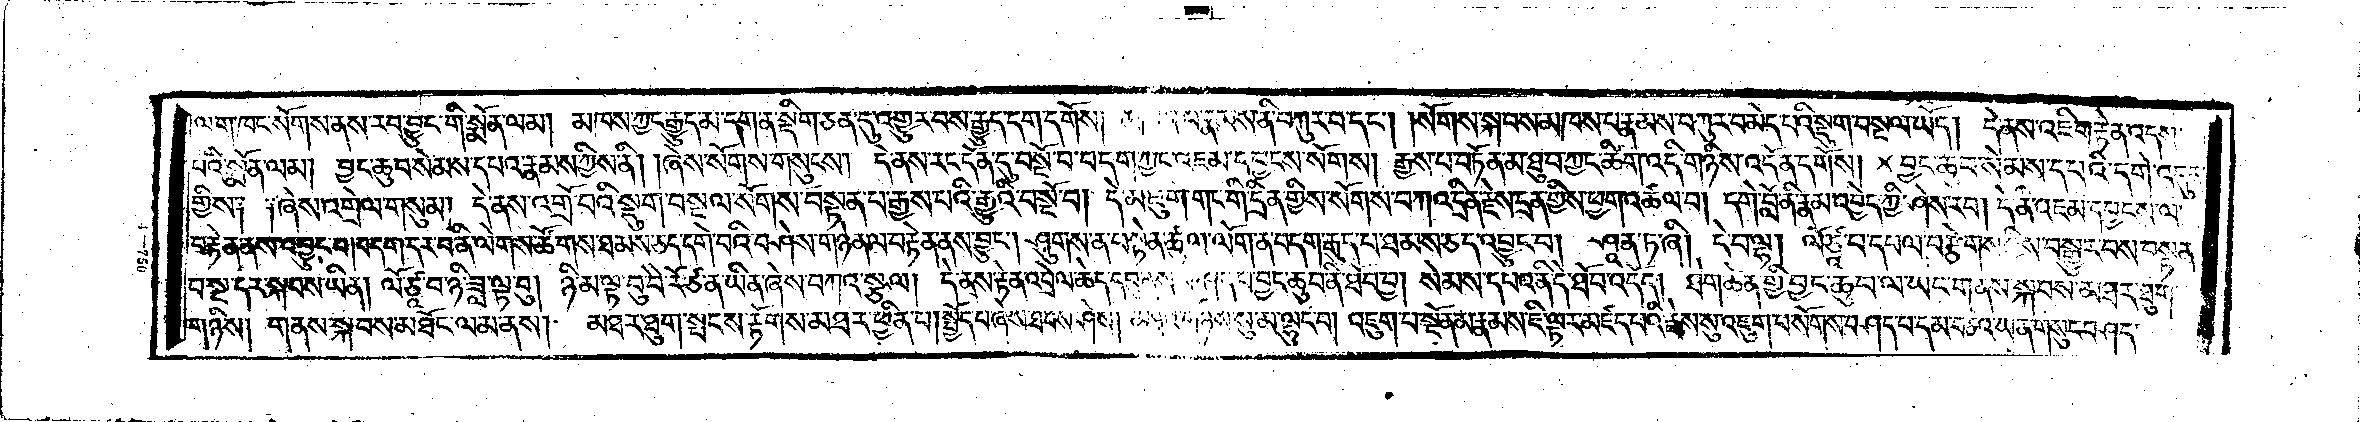ལག་ཁང་སོགས་ནས་རབ་བྱུང་གི་སྨོན་ལམ། མཁས་ཀྱང་རྒྱུད་མ་དག་ན་སྡིག་ཅན་དུ་འགྱུར་བས་རྒྱུད་དག་དགོས། མཁས་པ་རྣམས་ནི་བཀུར་བ་དང་། །སོགས་སྐབས་མཁས་པ་རྣམས་བཀུར་བ་མེད་པའི་སྡུག་བསྔལ་ཡོད། དེ་ནས་འཇིག་རྟེན་འདས་
པའི་སྨོན་ལམ། བྱང་ཆུབ་སེམས་དཔའ་རྣམས་ཀྱིས་ནི། །ཞེས་སོགས་གསུངས། དེ་ནས་རང་དོན་དུ་བསྔོ་བ་བདག་ཀྱང་འཇམ་དབྱངས་སོགས། རྒྱས་པ་བཏོན་མ་ཐུབ་ཀྱང་ཚིག་འདི་གཉིས་འདོན་དགོས། ྾་བྱང་ཆུབ་སེམས་དཔའི་དགེ་འདུན་
གྱིས༑ ༑ཞེས་འགྲེལ་གསུམ། དེ་ནས་འགྲོ་བའི་སྡུག་བསྔལ་སོགས་བསྟན་པ་རྒྱས་པའི་རྒྱུའི་བསྔོ་བ། དེ་མཇུག་གང་གི་དྲིན་གྱིས་སོགས་བཀའ་དྲིན་རྗེས་དྲན་གྱིས་ཕྱག་འཚལ་བ། དགེ་བློ་ནི་རྣམ་འབྱེད་ཀྱི་ཤེས་རབ། དེ་ནི་འཇམ་དབྱངས་ལ་
བརྟེན་ནས་འབྱུང་བ། བདག་དར་བ་ནི་ལེགས་ཚོགས་ཐམས་ཅད་དགེ་བའི་བཤེས་གཉེན་ལ་བརྟེན་ནས་བྱུང་། ཤུགས་ན་བསྟེན་ཚུལ་ལོག་ན་བདག་རྒུད་པ་ཐམས་ཅད་འབྱུང་བ། ཤཱན་ཏ་ཞི། དེ་བ་ལྷ། ལོཙཱ་བ་དཔལ་བརྩེགས་གྱིས་བསྒྱུར་བས་བསྟན་
བ་སྔ་དར་སྐབས་ཡིན། ལོ་ཙཱ་བ་ཉི་ཟླ་ལྟ་བུ། ཉི་མ་ལྟ་བུ་བཻ་རོ་ཙ་ན་ཡིན་ཞེས་བཀའ་སྩལ། དེ་ནས་རྟེན་འབྲེལ་ཆེད་དབུ་ནས་བཤད་པ་བྱང་ཆུབ་ནི་ཐོབ་བྱ། སེམས་དཔའ་ནི་དེ་ཐོབ་འདོད། ཐེག་ཆེན་གྱི་བྱང་ཆུབ་ལ་ཡང་གནས་སྐབས་མཐར་ཐུག་
གཉིས། གནས་སྐབས་མཐོང་ལམ་ནས། མཐར་ཐུག་སྤངས་རྟོགས་མཐར་ཕྱིན་པ། སྤྱོད་པ་ཞེས་ཐབས་ཤེས། མཐའ་གཉིས་སུ་མ་ལྷུང་བ། འཇུག་པ་སྔོན་མ་རྣམས་ཇི་ལྟར་མཛད་པའི་རྦེས་སུ་འཇུག་པ་སོགས་བཤད་པ་དམ་བཅའ་ཡན་གསུང་བཤད་